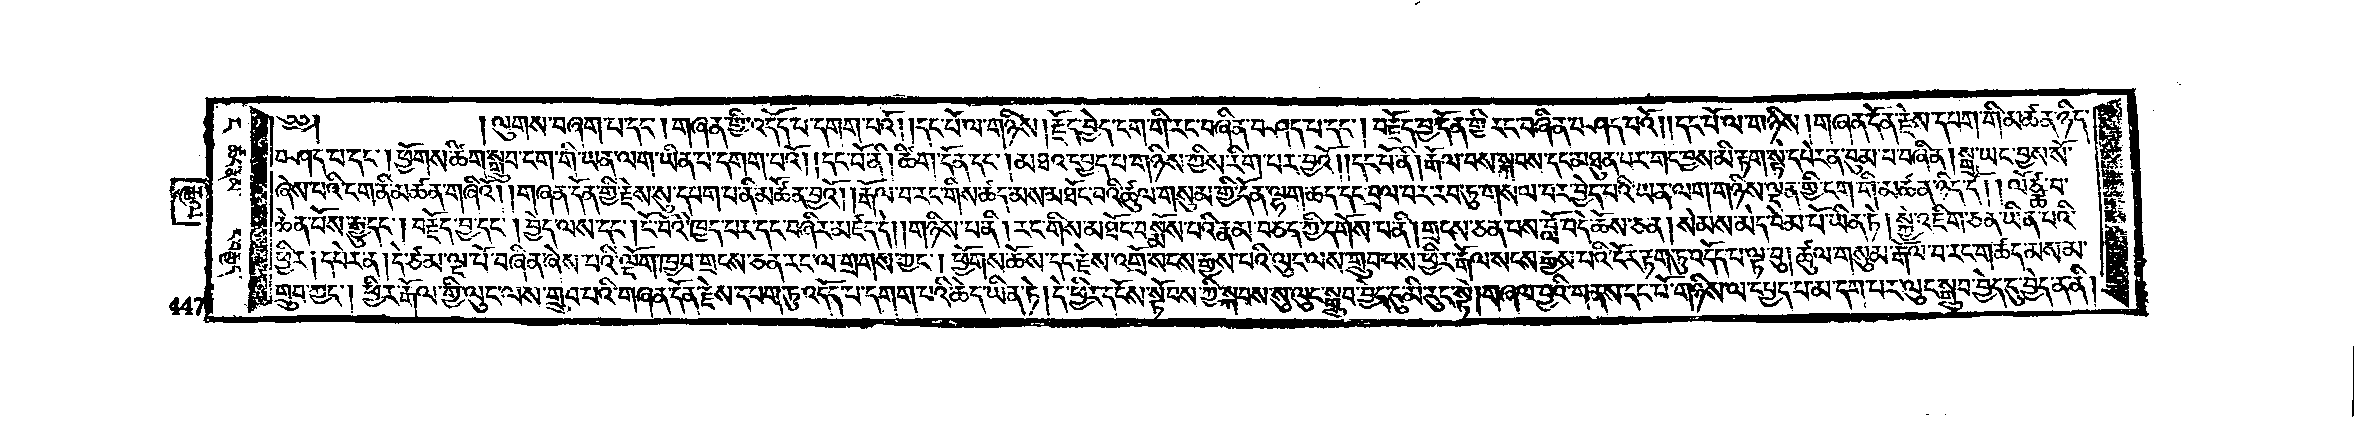༄༅། །ལུགས་བཞག་པ་དང་། གཞན་གྱི་འདོད་པ་དགག་པའོ། །དང་པོ་ལ་གཉིས། རྗོད་བྱེད་ངག་གི་རང་བཞིན་བཤད་པ་དང་། བརྗོད་བྱ་དོན་གྱི་རང་བཞིན་བཤད་པའོ། །དང་པོ་ལ་གཉིས། གཞན་དོན་རྗེས་དཔག་གི་མཚན་ཉིད་
བཤད་པ་དང་། ཕྱོགས་ཚིག་བསྒྲུབ་ངག་གི་ཡན་ལག་ཡིན་པ་དགག་པའོ། །དང་པོ་ནི། ཚིག་དོན་དང་། མཐའ་དཔྱད་པ་གཉིས་ཀྱིས་རིག་པར་བྱའོ། །དང་པོ་ནི། རྒོལ་བས་སྐབས་དང་མཐུན་པར་གང་བྱས་མི་རྟག་སྟེ་དཔེར་ན་བུམ་པ་བཞིན། སྒྲ་ཡང་བྱས་སོ་
ཞེས་པའི་དག་ནི་མཚན་གཞིའོ། །གཞན་དོན་གྱི་རྗེས་སུ་དཔག་པ་ནི་མཚོན་བྱའོ། །རྒོལ་བ་རང་གིས་ཚད་མས་མཐོང་བའི་ཚུལ་གསུམ་གྱི་དོན་ལྷག་ཆད་དང་བྲལ་བར་རབ་ཏུ་གསལ་པར་བྱེད་པའི་ཡན་ལག་གཉིས་ལྡན་གྱི་ངག་གི་མཚན་ཉིད་དོ། .ལོཙྪ་བ་
ཆེན་པོས་རྒྱུ་དང་། བརྗོད་བྱ་དང་། བྱེད་ལས་དང་། ངོ་བོའི་ཁྱད་པར་དང་བཞིར་མཛད་དེ། །གཉིས་པ་ནི། རང་གིས་མཐོང་སྨོས་པའི་རྣམ་བཅད་ཀྱི་དགོས་པ་ནི། གྲངས་ཅན་པས་བློ་བདེ་ཆོས་ཅན། སེམས་མེད་བེམ་པོ་ཡིན་ཏེ། སྐྱེ་འཇིག་ཅན་ཡིན་པའི་
ཕྱིར༑ དཔེར་ན། དེ་ཙམ་ལྔ་པོ་བཞིན་ཞེས་པའི་ལྡོག་ཁྱབ་གྲངས་ཅན་རང་ལ་གྲགས་ཀྱང་། ཕྱོགས་ཆོས་དང་རྗེས་འགྲོ་སངས་རྒྱས་པའི་ལུང་ལས་གྲུབ་པའི་ཕྱིར་རྒོལ་སངས་རྒྱས་པའི་ངོར་རྟག་ཏུ་འདོད་པ་ལྟ་བུ། ཚུལ་གསུམ་རྒོལ་བ་རང་ག་ཚད་མས་མ་
གྲུབ་ཀྱང་། ཕྱིར་རྒོལ་གྱི་ལུང་ལས་གྲུབ་པའི་གཞན་དོན་རྗེས་དཔག་ཏུ་འདོད་པ་དགག་པའི་ཆེད་ཡིན་ཏེ། དེ་ཕྱིར་དངོས་སྟོབས་ཀྱི་སྐབས་སུ་ལུང་སྒྲུབ་བྱེད་དུ་མི་རུང་སྟེ། གཞལ་བྱའི་གནས་དང་པོ་གཉིས་ལ་དཔྱད་པ་མ་དག་པར་ལུང་སྒྲུབ་བྱེད་དུ་བྱེད་ན་ནི་